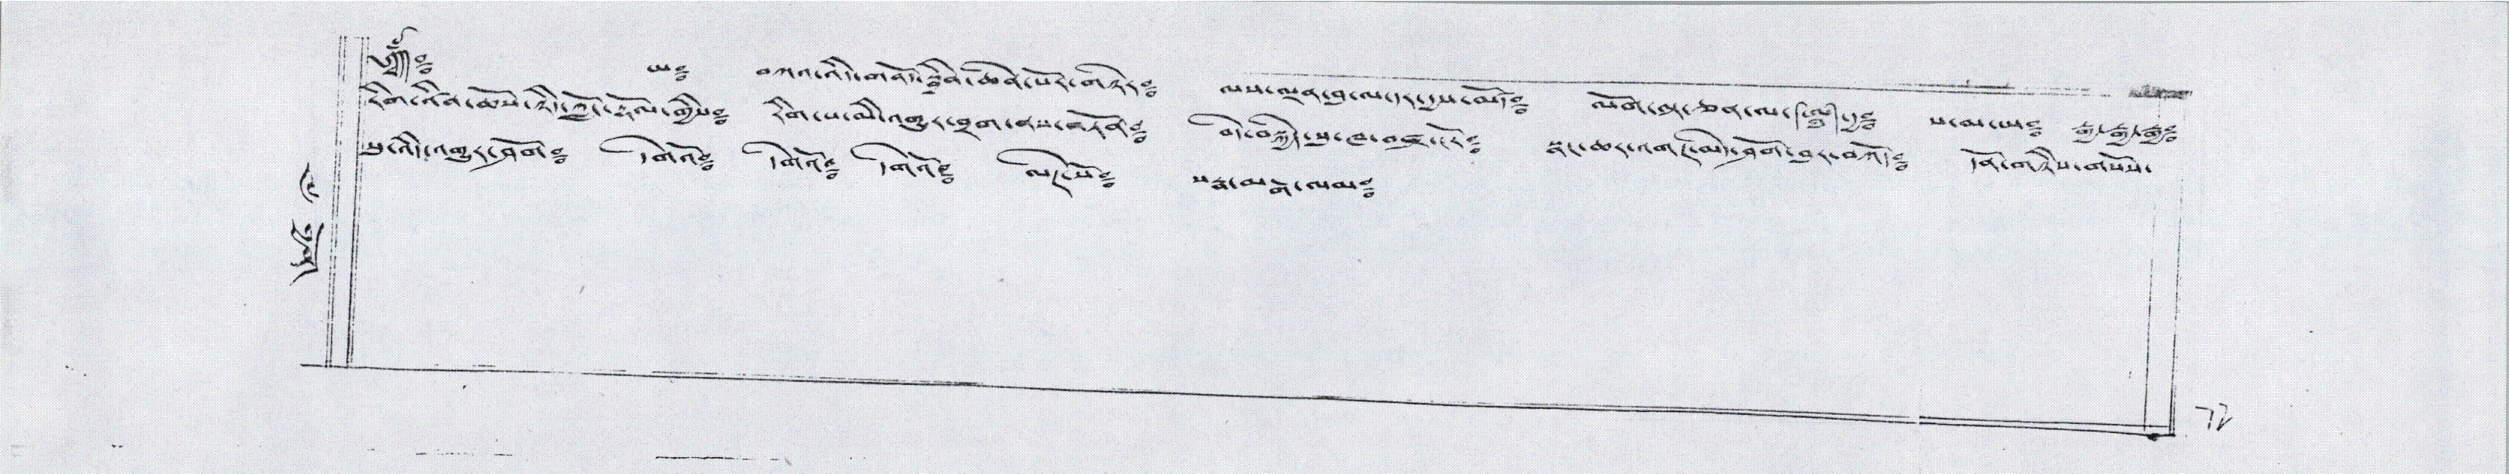ཡ༔ བཀའ་འདི་གནོད་སྦྱིན་ཆེན་པོར་གཉེར༔ ལས་ལྡན་བུ་ལ་དར་རྒྱས་མཛོད༔ ལོག་ལྟ་ཅན་ལ་༼ཨྠ༽རྒྱ༔ ས་མ་ཡ༔ རྒྱ་རྒྱ་རྒྱ༔ 
རིག་འཛིན་ཆོས་ཉིད་ཀློང་རྡོལ་གྱིས༔ རིག་པ་མི་འགྱུར་བྲག་ནས་གཏོན༔ བདེ་བསྐྱེད་སུ་ཁ་བཛྲ་ངོར༔ སྣང་ཆར་འགགས་མེད་ཤོག་བུར་བཀོད༔ དོན་གཉིས་གསོས་
སུ་འདི་འགྱུར་ཤོག༔ དགེའོ༔ དགེའོ༔ དགེའོ༔ ལེགས་སོ༔ སརྦ་མངྒ་ལམ༔།